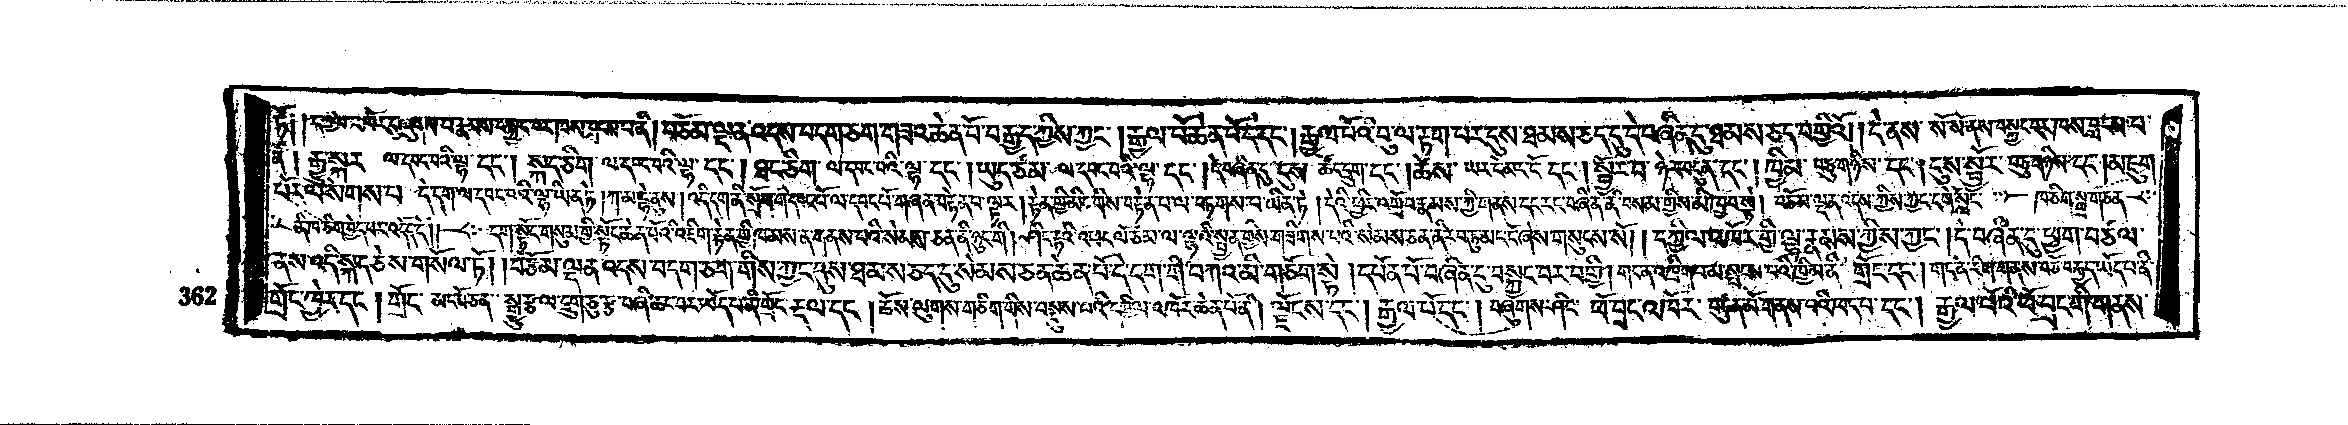ཏོ། ། དཀྱིལ་འཁོར་དུ་ཞུགས་པ་རྣམས་བསྐྱང་བར་ཁས་བླངས་པ་ནི།  བཅོམ་ལྡན་འདས་བདག་ཅག་གཟའ་ཆེན་པོ་བརྒྱད་ཀྱིས་ཀྱང་། རྒྱལ་པོ་ཆེན་པོ་དེ་དང་། རྒྱལ་པོའི་བུ་ལ་རྟག་པར་དུས་ཐམས་ཅད་དུ་དེ་བཞིན་དུ་ཐམས་ཅད་བགྱིའོ། །དེ་ནས་སོ་སོ་ནས་བསྐྱང་བར་ཁས་བླངས་པ་
ནི། རྒྱ་སྐར་ལ་དབང་བའི་ལྷ་དང་། སྐད་ཅིག་ལ་དབང་བའི་ལྷ་དང་། ཐང་ཅིག་ལ་དབང་བའི་ལྷ་དང་། ཡུད་ཙམ་ལ་དབང་བའི་ལྷ་དང་། དེ་བཞིན་དུ་དུས་ཚོང་དྲུག་དང་། ཚེས་ཡར་ངོ་མར་ངོ་དང་། སྦྱོར་བ་ཉེར་བདུན་དང་། ཁྱིམ་བཅུ་གཉིས་དང་། དུས་སྦྱོར་བཅུ་གཉིས་དང་། མཇུག་
པར་ལ་སོགས་པ་དེ་དག་ལ་དབང་བའི་ལྷ་ཡིན་ཏེ། ཀ་མ་དྷེ་ནུས། འདི་དག་ནི་སྲོག་གི་དབང་པོ་ལ་དབང་པོ་གཞན་བརྟེན་པ་ལྟར། རྟེན་གྱི་མིང་གིས་བརྟེན་པ་ལ་བཏགས་པ་ཡིན་ཏེ། དེའི་ཕྱིར་འགྲོ་བ་རྣམས་ཀྱི་གནས་དང་རང་བཞིན་ནི་བསམ་གྱིས་མི་ཁྱབ་སྟེ། བཅོམ་ལྡན་འདས་ཀྱིས་ཀྱང་དགེ་སློང་H.་ཁ་ཅིག་སྒྲ་གཅན་.H
H.་ནི་ཁ་ཅིག་བྱེད་པར་འདོད་དོ།། .H དག་སྟོང་གསུམ་གྱི་སྟོང་ཆེན་པོའི་འཇིག་རྟེན་གྱི་ཁམས་ན་གནས་པའི་སེམས་ཅན་ནི་ཉུང་གི །ཤིང་རྟའི་འཕང་ལོ་ཙམ་ལ་ལྷའི་སྤྱན་གྱིས་གཟིགས་པའི་སེམས་ཅན་ནི་རབ་ཏུ་མང་ངོ་ཞེས་གསུངས་སོ། །དཀྱིལ་འཁོར་གྱི་ལྷ་རྣམས་ཀྱིས་ཀྱང་། དེ་བཞིན་དུ་ཕྱག་བཙལ་
ནས་འདི་སྐད་ཅེས་གསོལ་ཏོ། །བཅོམ་ལྡན་འདས་བདག་ཅག་གིས་ཀྱང་དུས་ཐམས་ཅད་དུ་སེམས་ཅན་ཆེན་པོ་དེ་དག་གི་བཀའ་མི་གཅོག་སྟེ། དཔོན་པོ་བཞིན་དུ་བསྐྱང་བར་བགྱི། གང་ན་འཁྲིག་པ་མ་སྤངས་པའི་ཁྱིམ་ནི་གྲོང་དང་། གང་ན་རིག་གནས་བཅོ་བརྒྱད་ཡོད་པ་ནི
གྲོང་ཁྱེར་དང་། གྲོང་མང་པོ་ཅན། སྒྱུ་རྩལ་དྲུག་ཅུ་རྩ་བཞི་ཆང་བར་ཡོད་པ་ནི་གྲོང་རྡལ་དང་། ཆོས་ལུགས་གཅིག་གིས་བསྡུས་པའི་དཀྱིལ་འཁོར་ཆེན་པོ་ནི།  ལྗོངས་དང་། རྒྱལ་པོ་དང་། བཞུགས་ཤིང་ཕོ་བྲང་འཁོར་བཙུན་མོ་གནས་པའི་ཁང་པ་དང་།  རྒྱལ་པོའི་ཕོ་བྲང་གི་གནས་